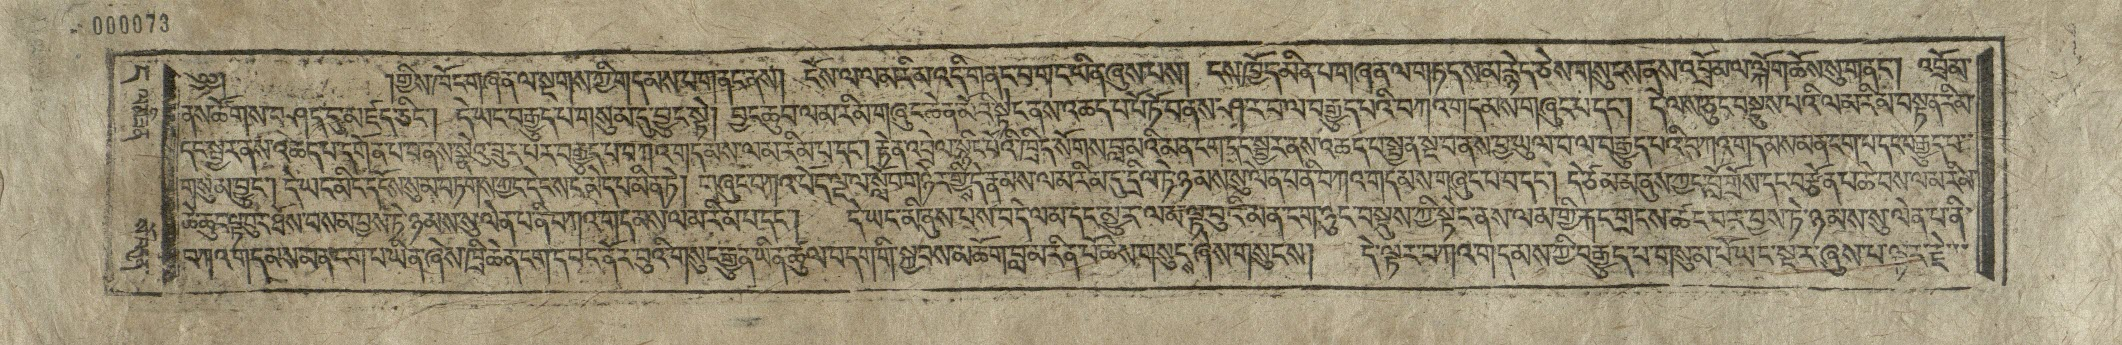༄༅། །གྱིས་ཁོང་གཞན་ལ་སྔགས་ཀྱི་གདམས་པ་གནང་ནས། ངོས་ལ་ལམ་རིམ་འདི་གནང་བ་གང་ཡིན་ཞུས་པས། ངས་ཁོད་མིན་པ་གཞན་ལ་གཏད་ས་མ་རྙེད་ཅེས་གསུངས་ནས་འབྲོམ་ལ་ལྐོག་ཆོས་སུ་གནང་། འབྲོམ་
ནས་ཚོགས་བཤད་དུ་མཛད་ཅིང་། དེ་ཡང་བརྒྱུད་པ་གསུམ་དུ་བྱུང་སྟེ། བྱང་ཆུབ་ལམ་རིམ་གཞུང་ཆེན་མོའི་སྟེང་ནས་འཆད་པ་པོ་ཏོ་བ་ནས་ཤ་ར་བ་ལ་བརྒྱུད་པའི་བཀའ་གདམས་གཞུང་པ་དང་། དེ་ལས་ཅུང་བསྡུས་པའི་ལམ་རིམ་བསྟན་རིམ་
དང་སྦྱར་ནས་འཆད་པ་དགོན་པ་བ་ནས་སྣེའུ་ཟུར་པར་བརྒྱུད་པ་བཀའ་གདམས་ལམ་རིམ་པ་དང་། རྟེན་འབྲེལ་སྙིང་པོའི་ཁྲིད་སོགས་བླ་མའི་མན་ངག་དང་སྦྱར་ནས་འཆད་པ་སྤྱན་སྔ་བ་ནས་བྱ་ཡུལ་བ་ལ་བརྒྱུད་པའི་བཀའ་གདམས་མན་ངག་པ་དང་བརྒྱུད་པ་
གསུམ་བྱུང་། དེ་ཡང་མིང་དངོས་སུ་མ་བཏགས་ཀྱང་དེང་སང་མེད་པ་མིན་ཏེ། གཞུང་བཀའ་པོད་ལྔ་ལ་སློབ་གཉེར་གྱིས་དེ་རྣམས་ལམ་རིམ་དུ་དྲིལ་ཏེ་ཉམས་སུ་ལེན་པ་ནི་བཀའ་གདམས་གཞུང་པ་བ་དང་། དེ་ཙམ་མ་ནུས་ཀྱང་བློ་གྲོས་དང་བརྩོན་པ་ཆེ་བས་ལམ་རིམ་
ཆེ་ཆུང་ལྟ་བུར་ཐོས་བསམ་བྱས་ཏེ་ཉམས་སུ་ལེན་པ་ནི་བཀའ་གདམས་ལམ་རིམ་པ་དང་། དེ་ཡང་མི་ནུས་པས་བདེ་ལམ་དང་མྱུར་ལམ་ལྟ་བུའི་མན་ངག་ཉུང་བསྡུས་ཀྱི་སྟེང་ནས་ལམ་གྱི་རྐང་གྲངས་ཚང་བར་བྱས་ཏེ་ཉམས་སུ་ལེན་པ་ནི་
བཀའ་གདམས་མན་ངག་པ་ཡིན་ཞེས་ཁྲི་ཆེན་ངག་དབང་ནོར་བུའི་གསུང་རྒྱུན་ཡིན་ཚུལ་བདག་གི་སྐྱབས་མཆོག་བླ་མ་རིན་པོ་ཆེས་གསུངས་ཞེས་གསུངས། དེ་ལྟར་བཀའ་གདམས་ཀྱི་བརྒྱུད་པ་གསུམ་པོ་ཡང་སྔར་ཞུས་པ་ལྟར་རྗེ་